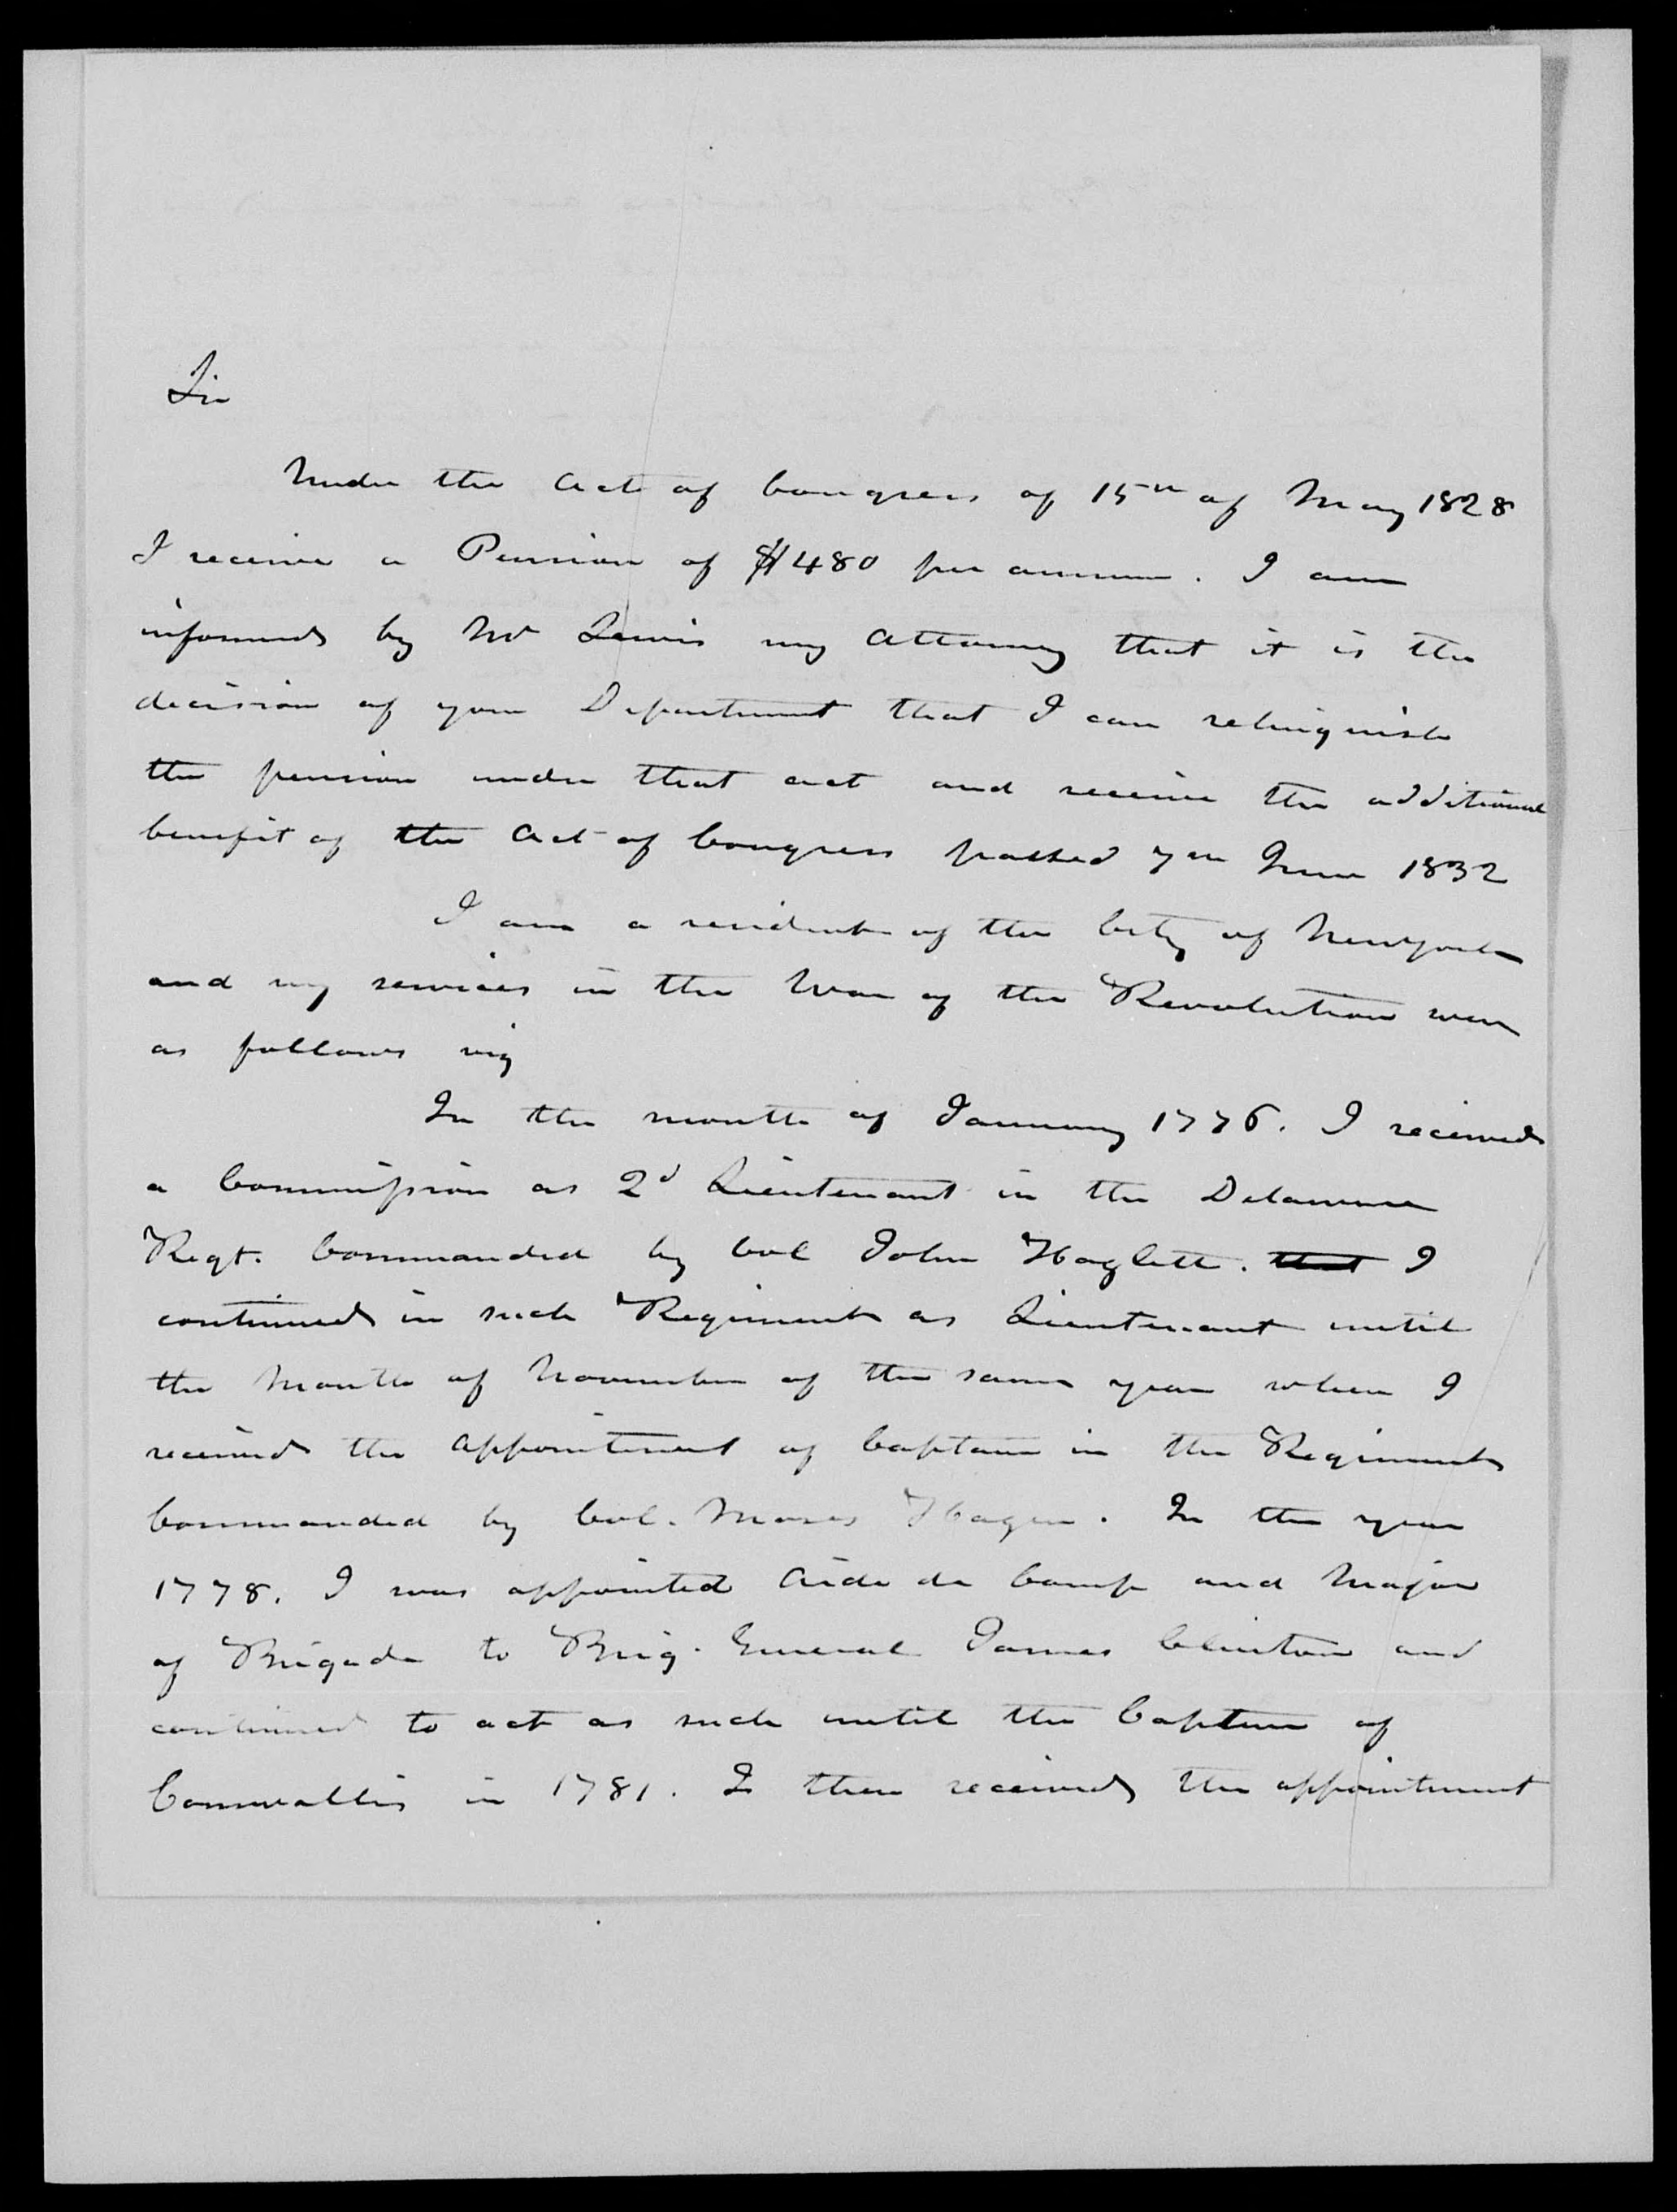Sir
Under the Act of Congress of 15th of May 1828
I receive a
Pension of $480 per annum
I
informed by Mr Lewis my attorney that it is the
decision of your Department that I can relinquish
the pension under that act and receive the additional
benefit of the act of Congress passed 7 Jun 1832
I am a resident of the City of Newyork
and my services in the war of the Revolution war
as
following
In the month of January 1776. I received
Commission as 2d Lieutenant in the Delaware
Regt. commanded by Col John Hazlett I
continued in such Regiment as Lieutenant until
the month of November of the same year when I
received the appointment of Captain in the Regiment
Commanded
by Col Moses Hagen. In the year
1778, I was appointed Aid de Camp and Major
of Brigade to Brig. General James
Clinton and
continued to act as such until the capture of Cornwallis in 1781. I then received the appointment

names: [BLANK] Cornwallis; [BLANK] Lewis; Moses Hagen; John Hazlett; James Clinton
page: 47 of 75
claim: survivor's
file: S. 9989, for William Popham, Delaware